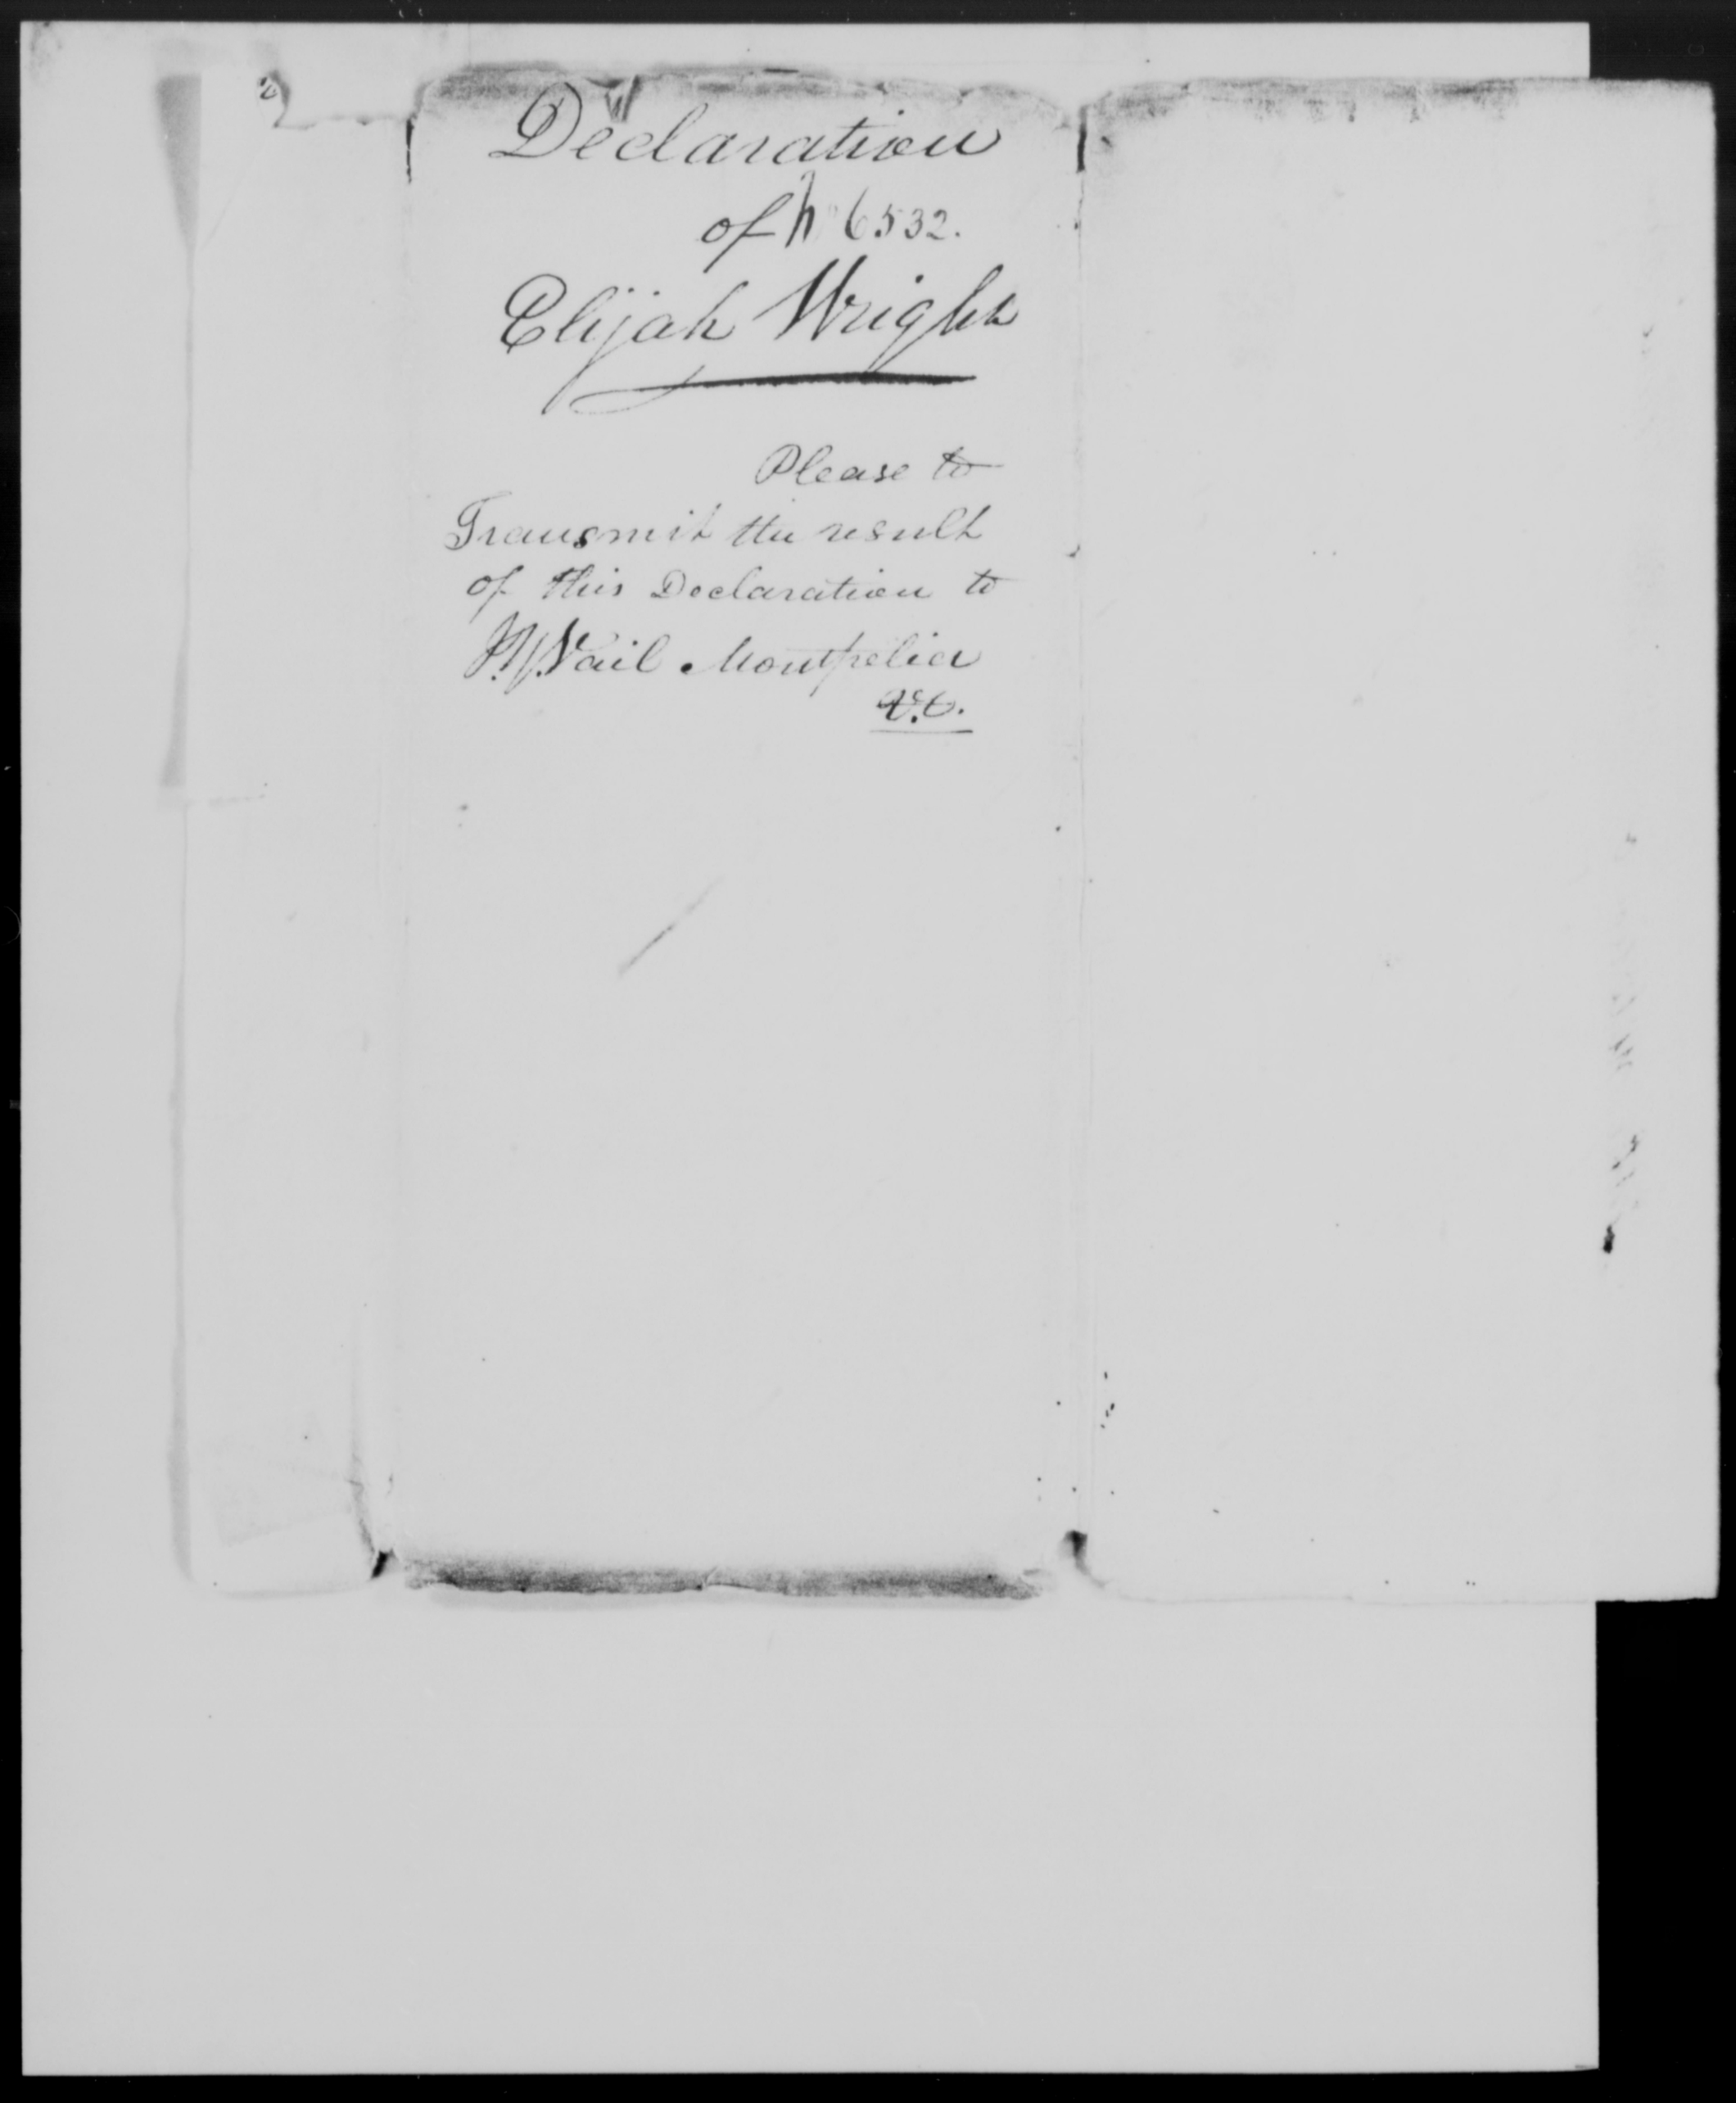Declaration of 6532
Elijan Wright

Please to transmit the result of this Declaration to J Y Vail. Montpelier V.T.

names: Elijah Wright, J Y Vail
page: 4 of 26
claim: widow's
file: W. 26,137, Elijah Wright, N.H.